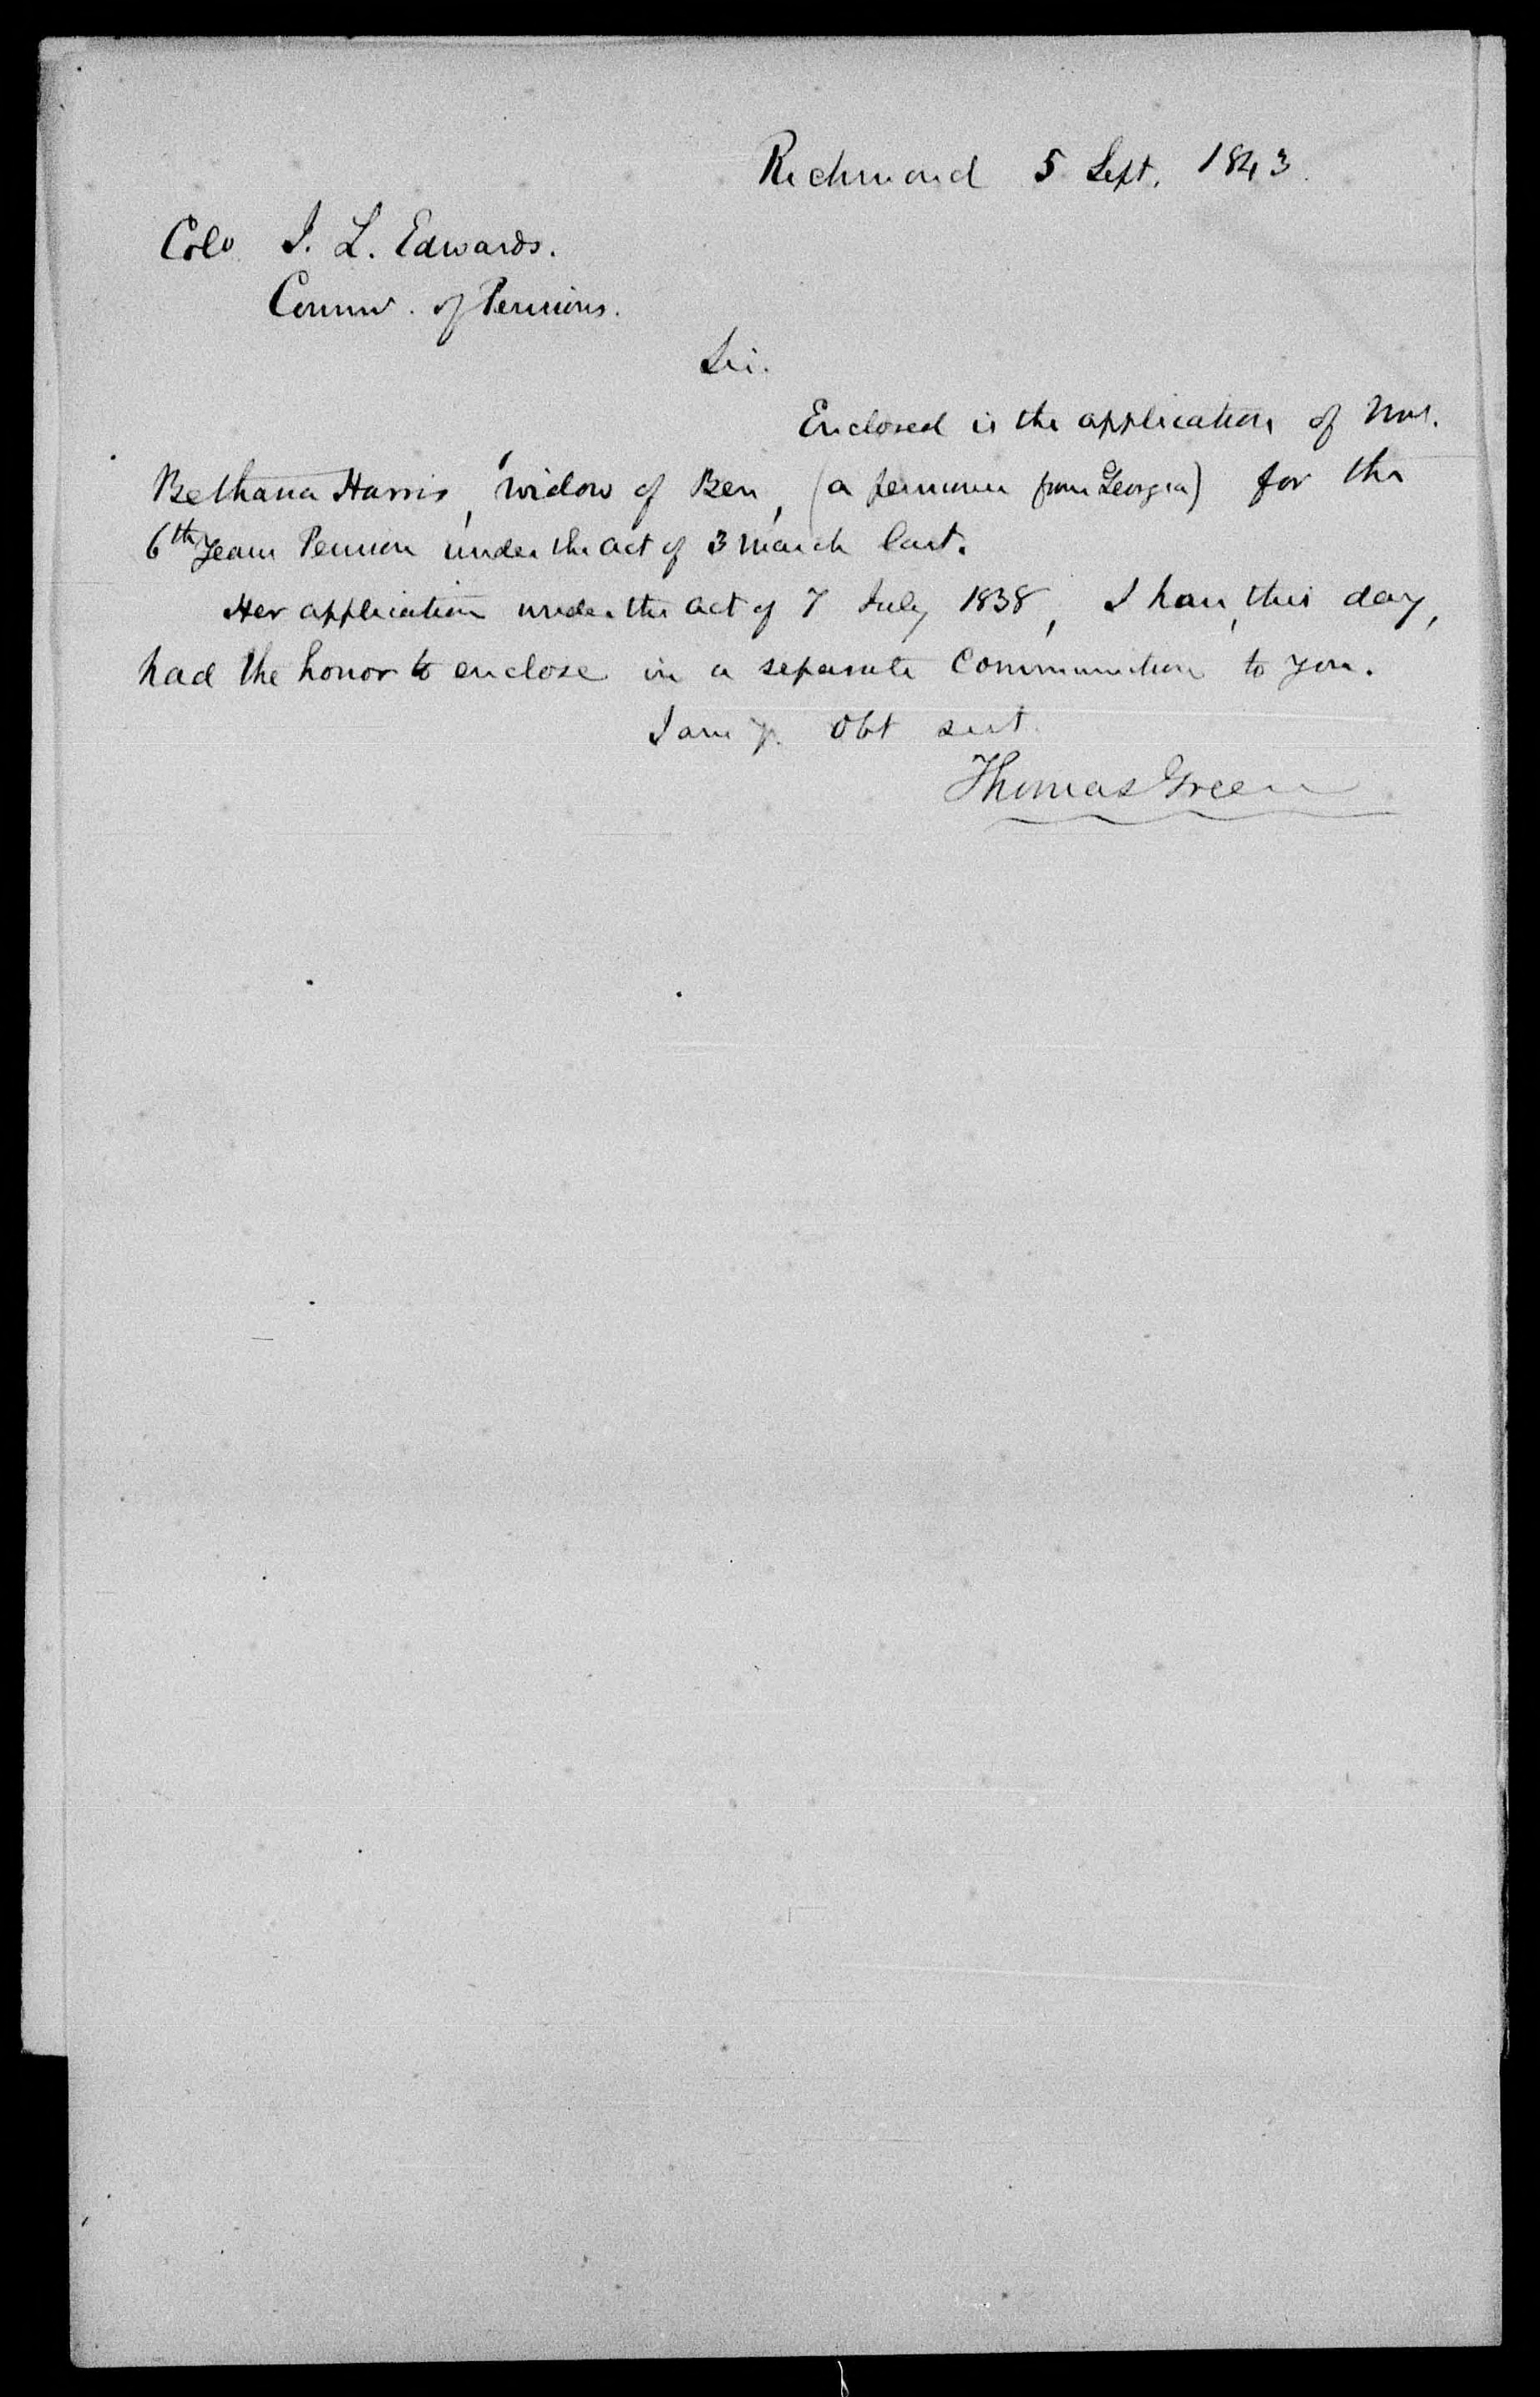Richmond 5 Sept. 1843 
Colo J. L. Edwards Comm of Pensions 

Sir Enclosed is the application of Mr. Bethana Harris widow of Ben, (a pensioner from Georgia) for the 6th year Pension under the act of 3 March last 

her application under the act of 7 July 1838. I have this day, had the honor to enclose in a separate communication to you 
I am yr Obt svt 
Thomas Green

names: Thomas Green, J L Edwards, Ben, Bethana Harris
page: 47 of 62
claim: survivor's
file: S. 38816, Benjamin Harris, Mass.